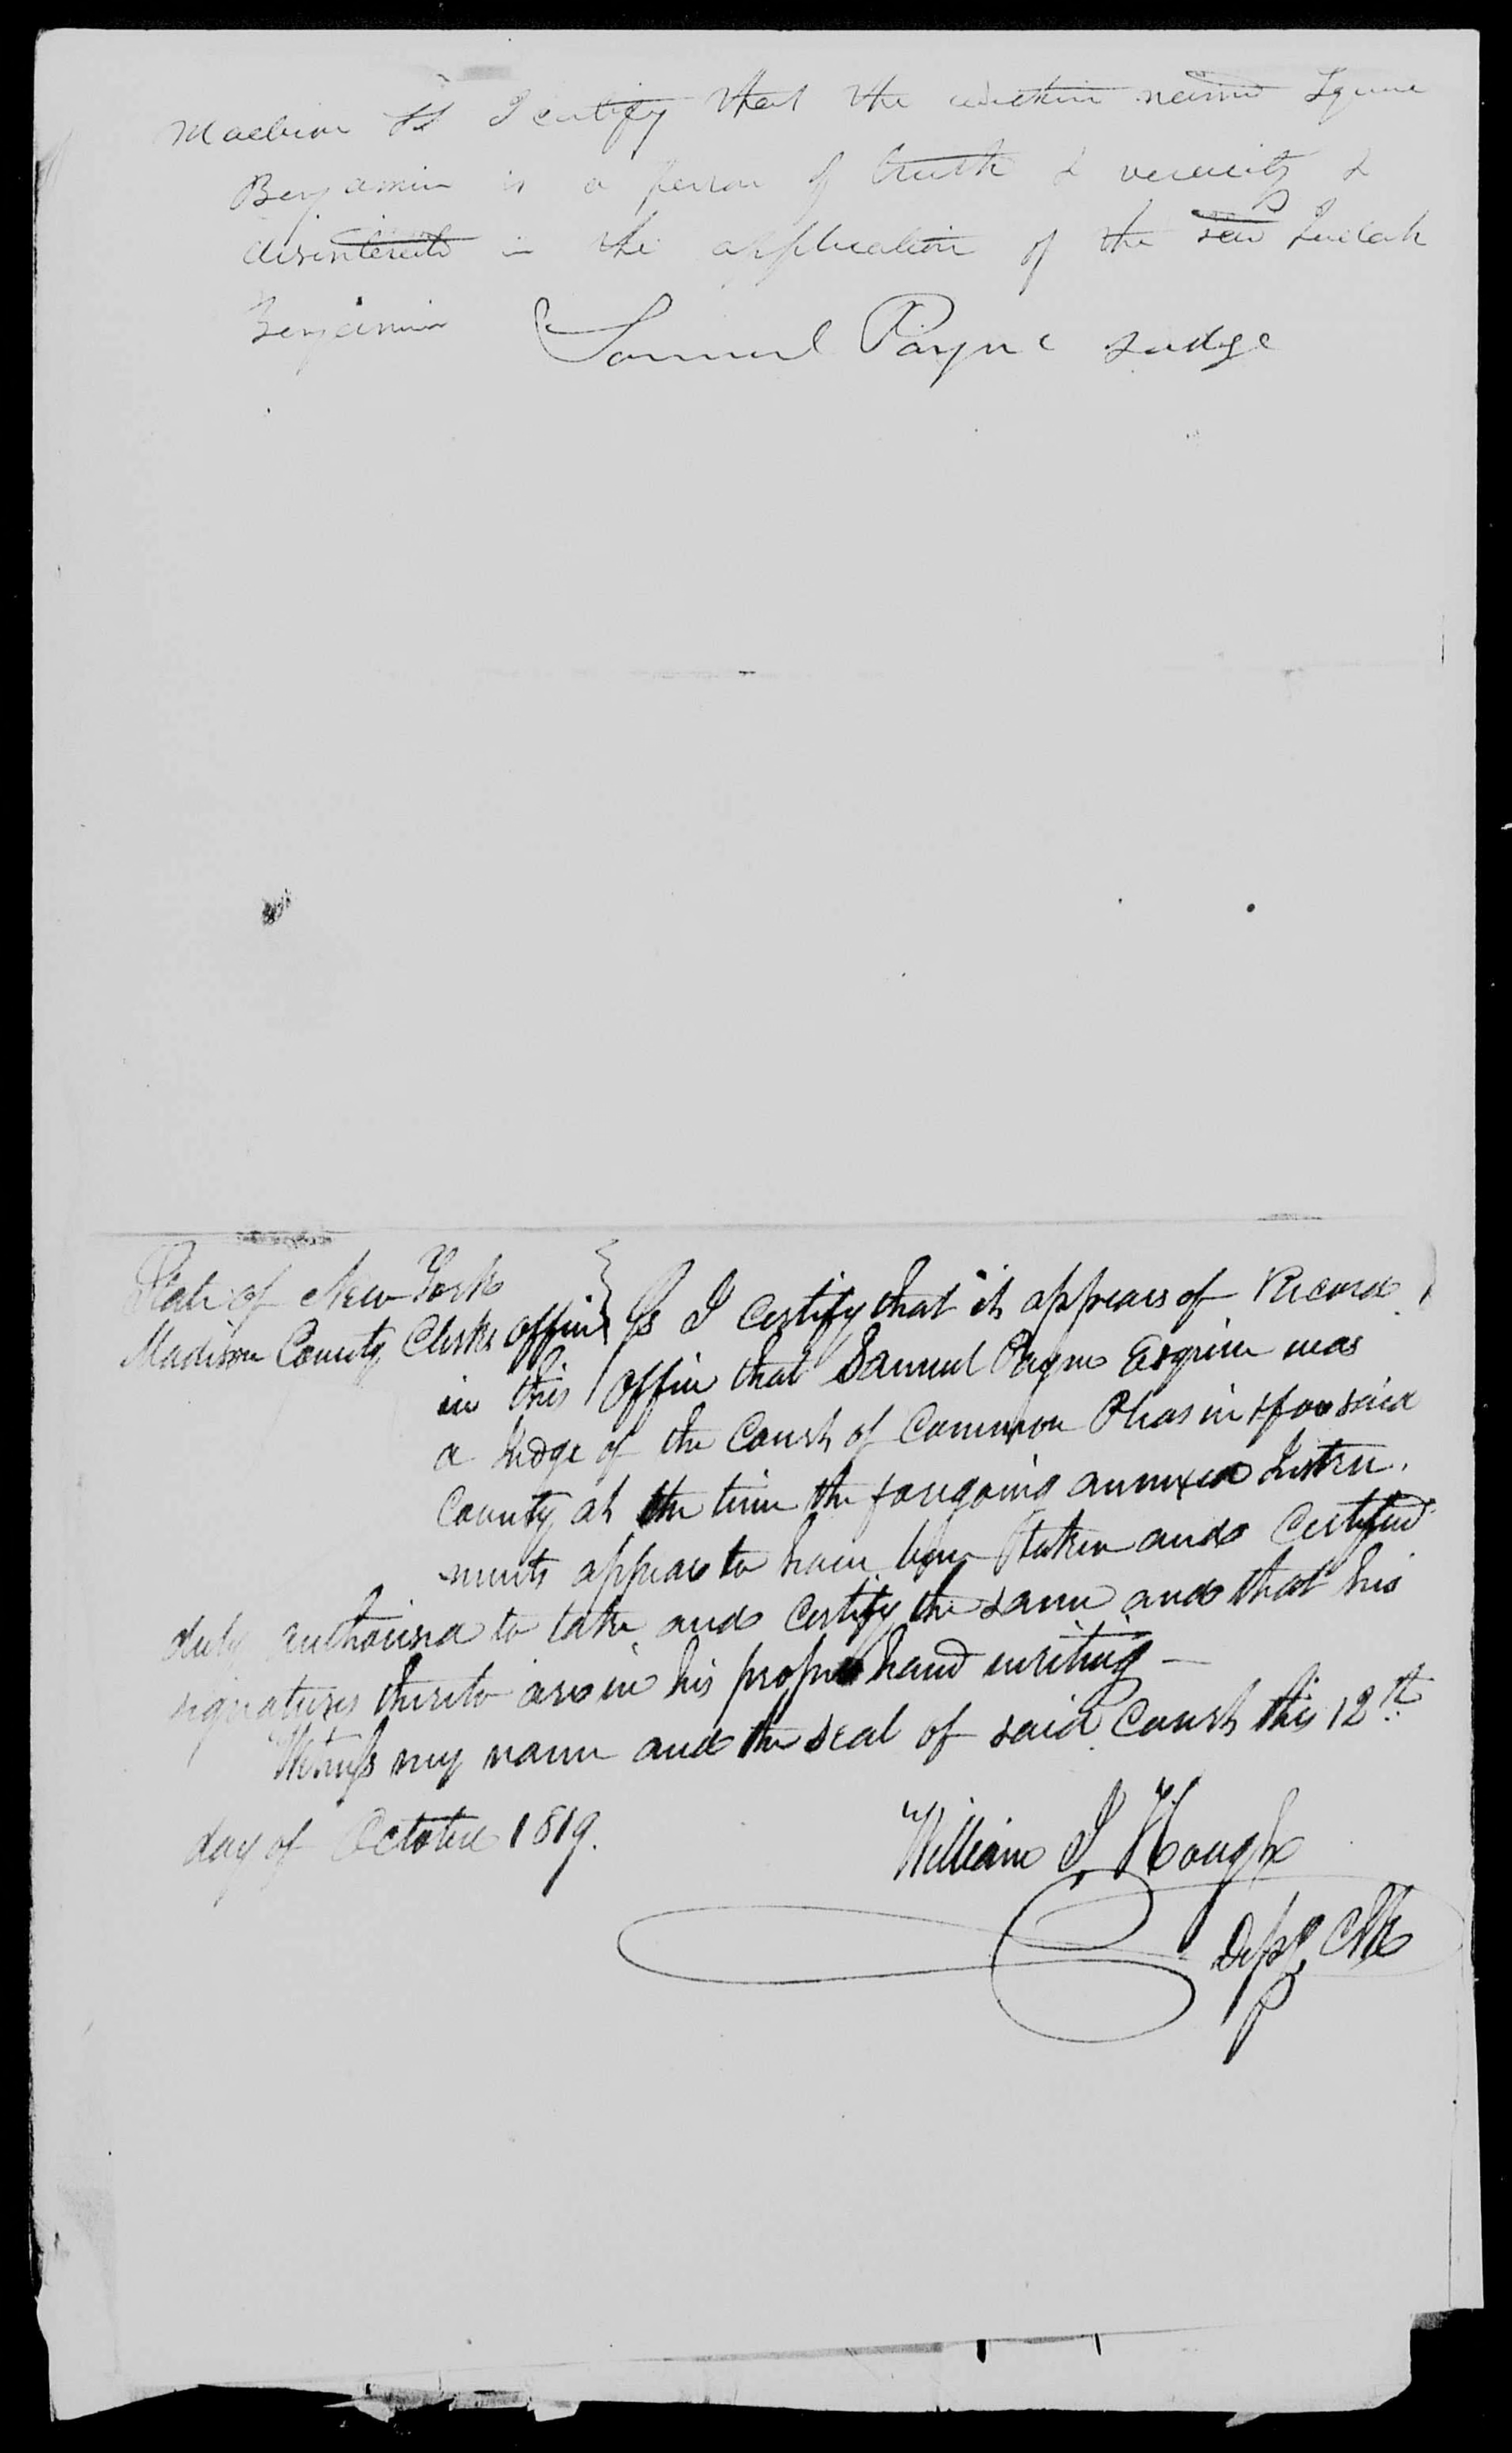Madison ss.  I certify that the within named Squire Benjamin is a person of truth & veracity &
disinterested in the application of the said Judah Benjamin
[signed] Samuel Payne Judge

State of New York
Madison County Clerks office} ss   I certify that it appears of Records in this Office that Samuel Payne Esquire was a Judge of the Court of Common Pleas in & for said County at the time the foregoing annexed instruments appear to have been taken and certified duly authorised to take and certify the same and that his signatures thereto are in his proper hand writing
Witness my name and the seal of said Court the 12th day of October 1819.
[signed] William J Hough
Dept. Clk.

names: Squire Benjamin, Judah Benjamin, Samuel Payne, William J Hough, Samuel Payne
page: 10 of 34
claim: survivor's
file: S. 39981, Judah Benjamin, Continental (N. H. And N. Y.)